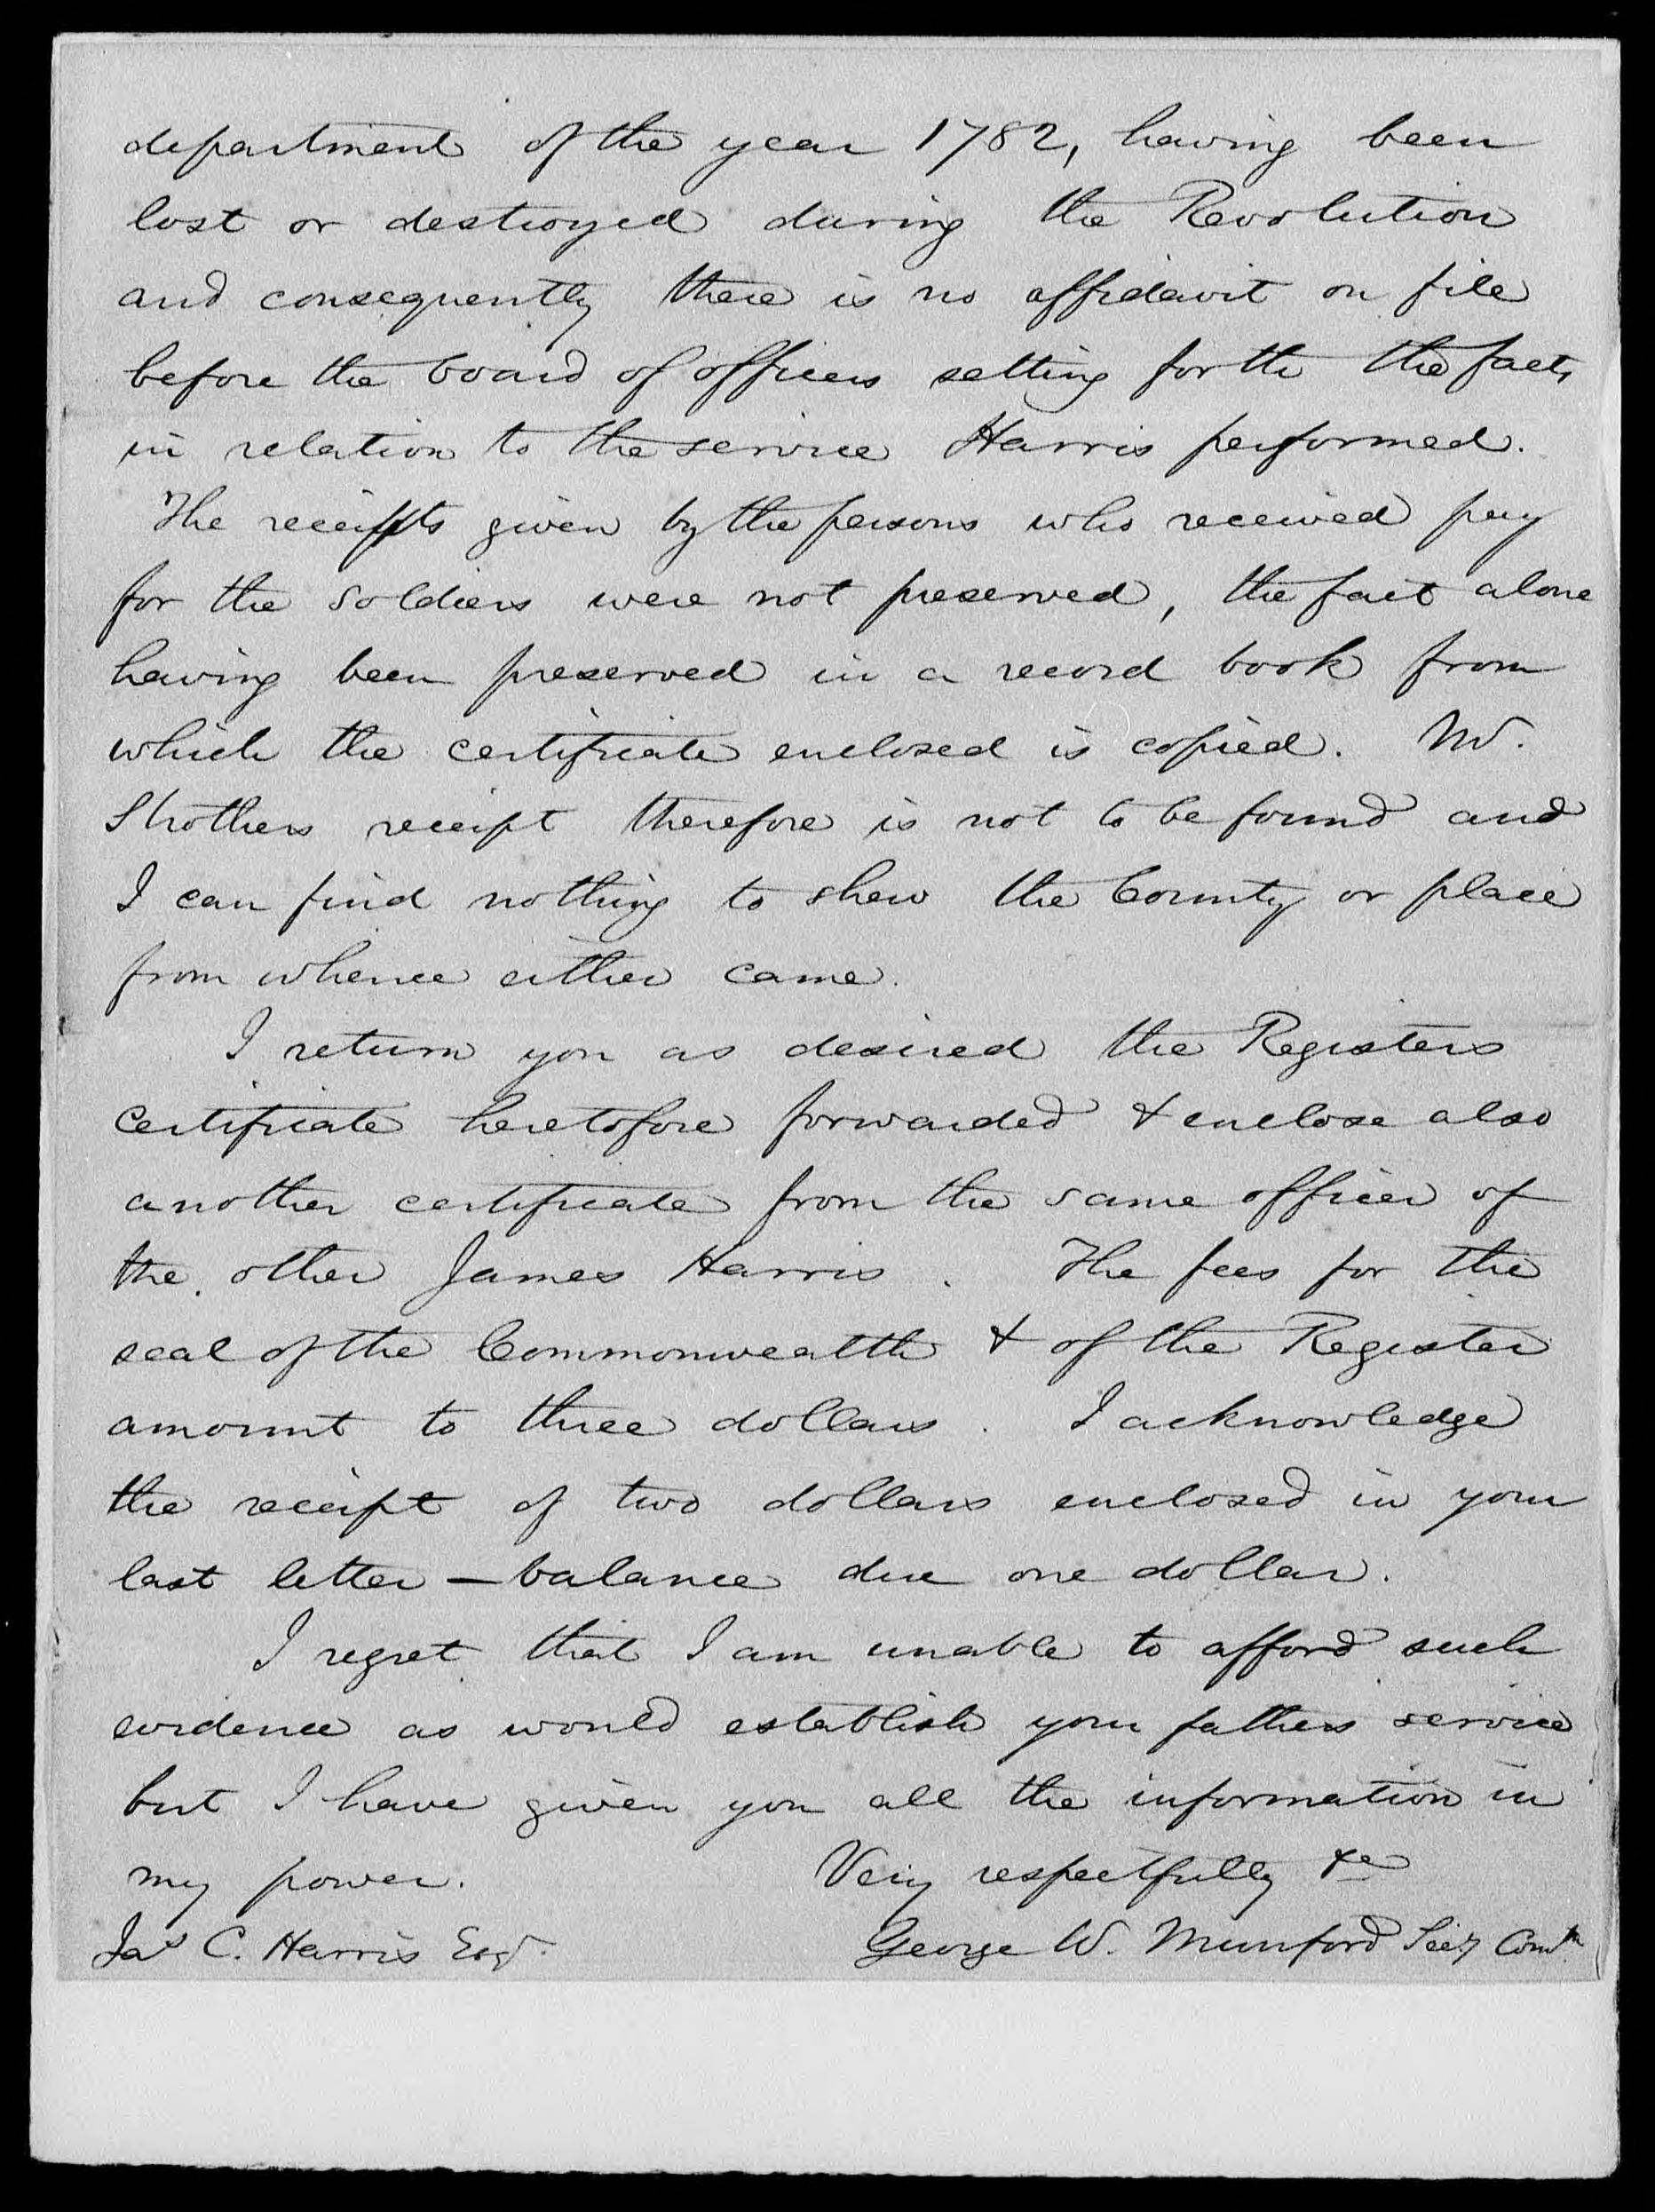department of the year 1782, having been
lost or destroyed during the Revolution
and consequently there is no affidavit on file
before the board of officers setting forth the facts in relation to the service Harris performed.
The receipts given by the persons who received pay for the soldiers were not preserved, the fact alone having been preserved in a record book from which the certificate enclosed is copied.  Mr. Strothers receipt therefore is not to be found and I can find nothing to show the County or place from whence either came.
     I return you as desired the Registers 
certificate heretofore forwarded & enclose also
another certificate from the same officer of
the other James Harris.  The fees for the
seal of the Commonwealth & of the Register amount to three dollars.  I acknowledge
the receipt of two dollars enclosed in your
last letter - balance due one dollar.
     I regret that I am unable to afford such
evidence as would establish your fathers service but I have given you all the information in my power.     Very respectfully for
Jas C. Harris Esq.    George W. Munford illegible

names: Strothers, James Harris, Harris, Jas C Harris, George W Munford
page: 156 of 160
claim: rejected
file: R. 4666, James Harris, Va.